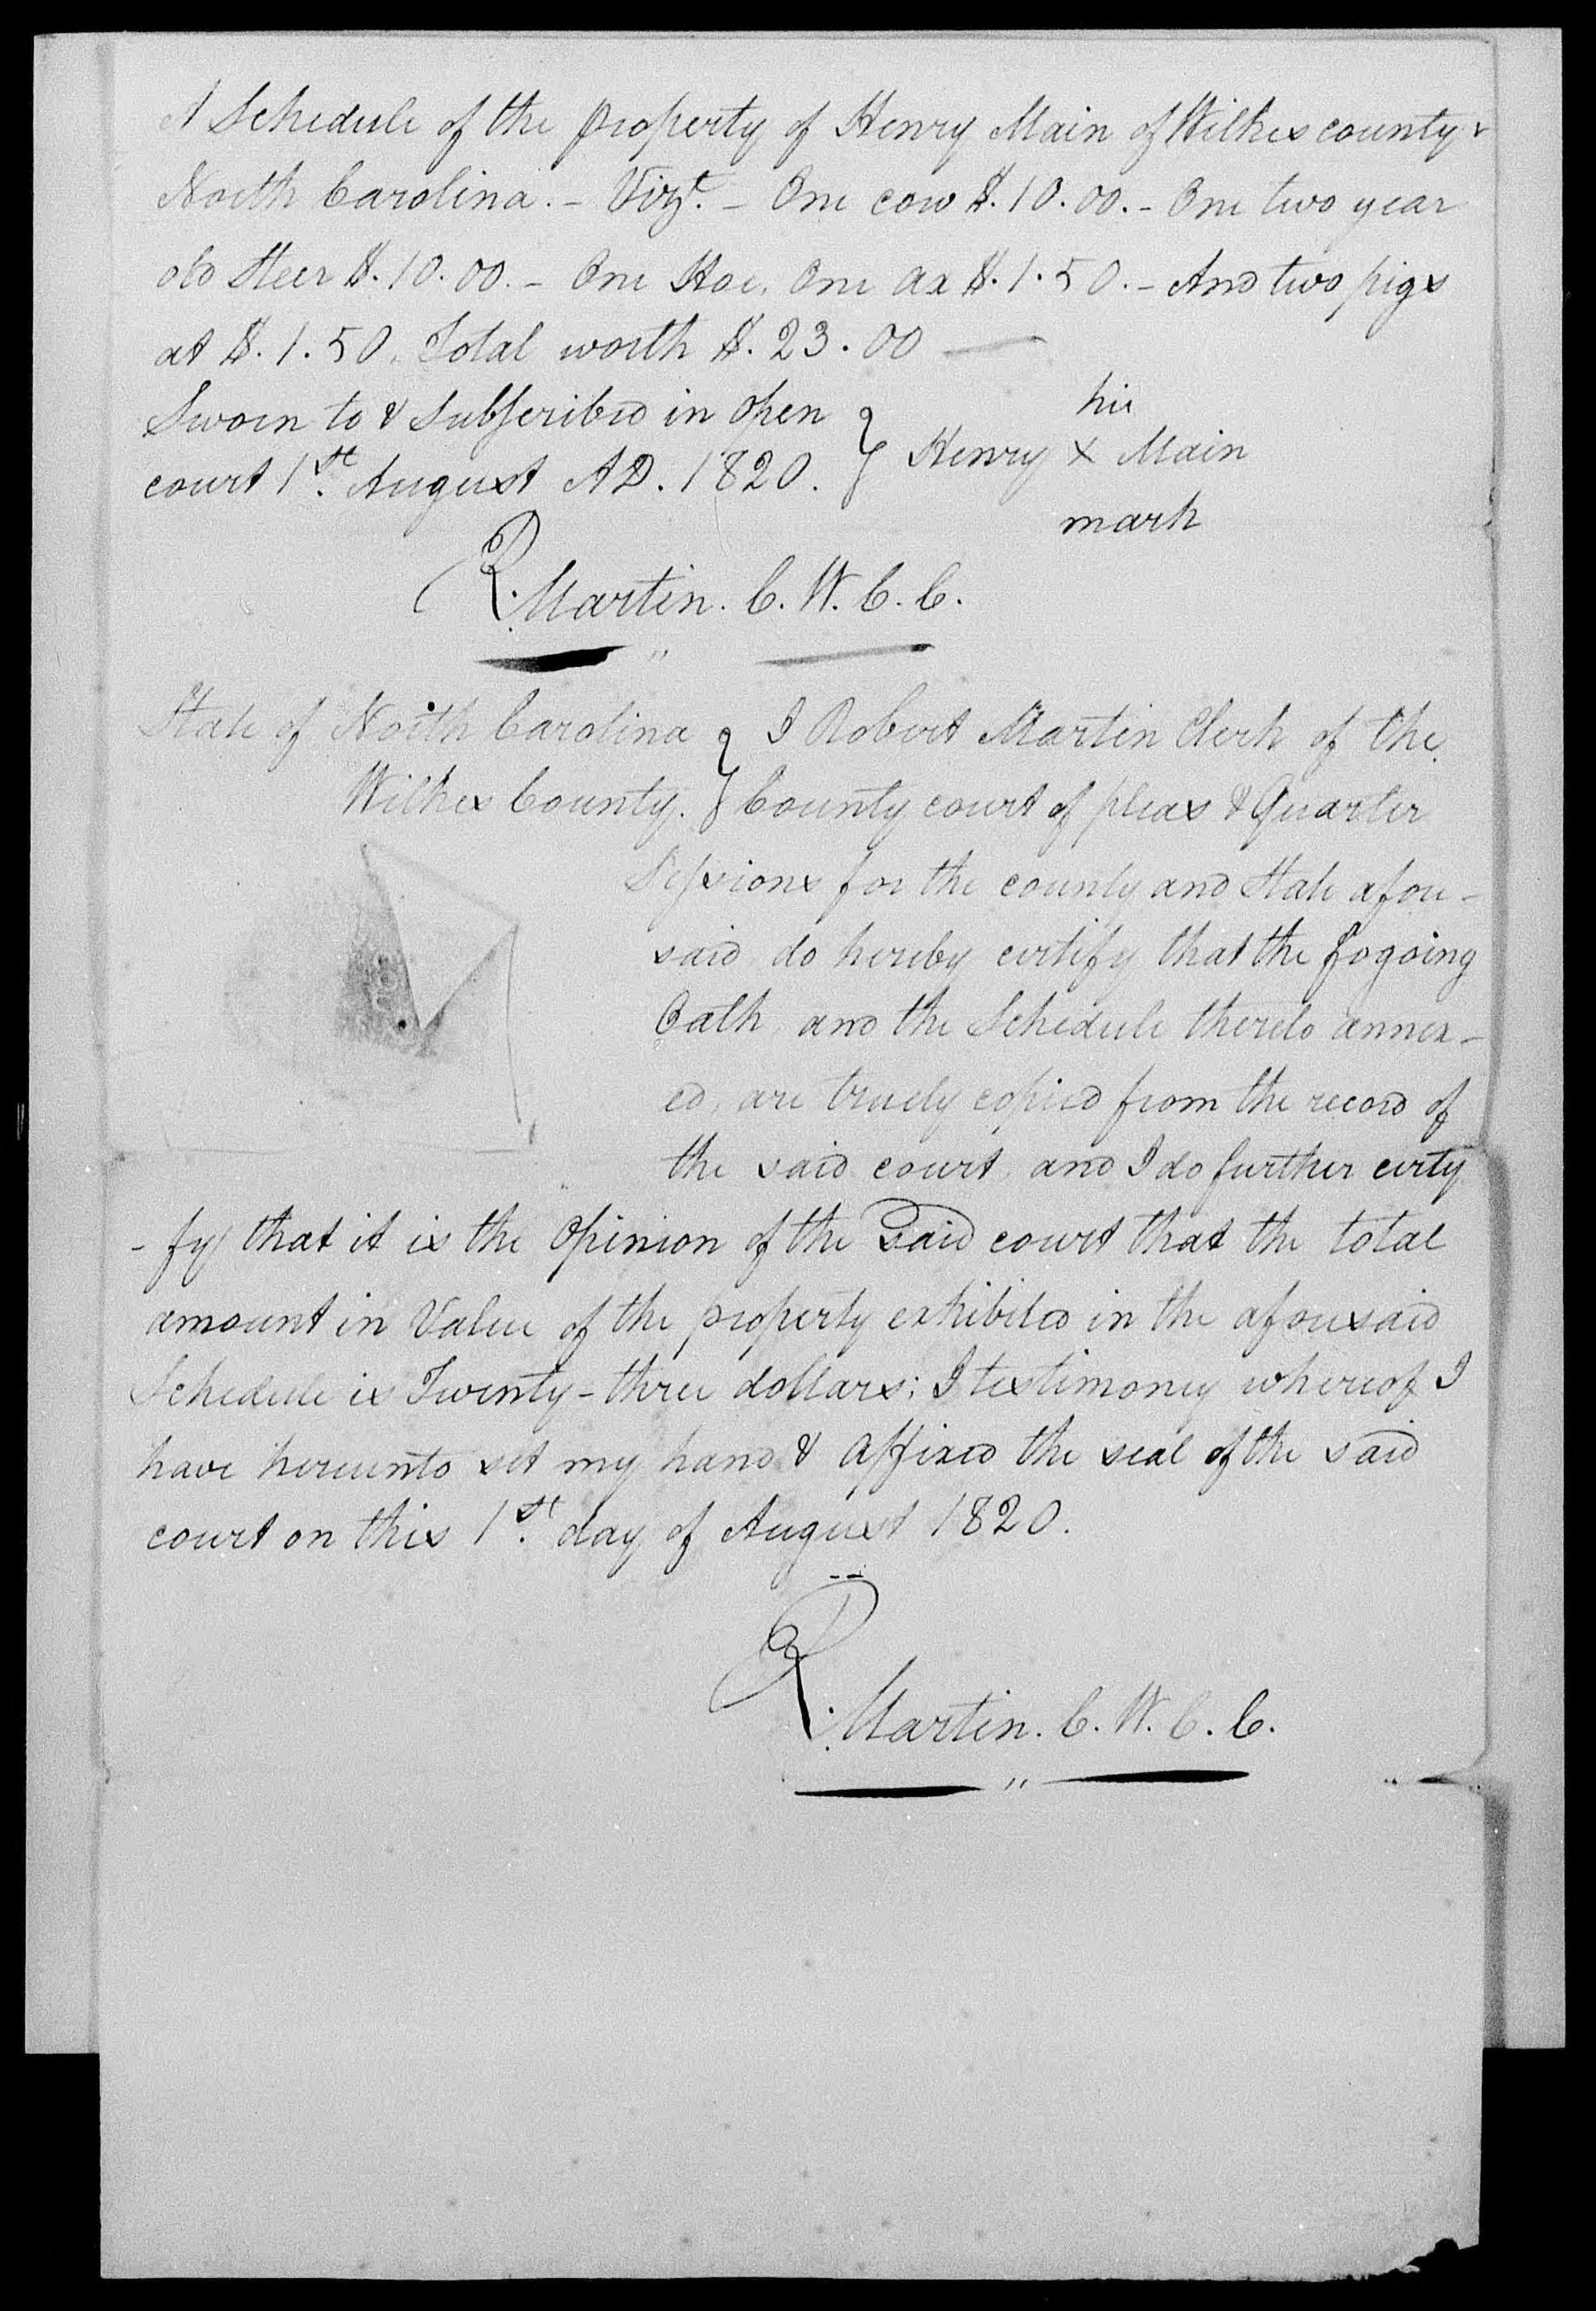A Schedule of the property of Henry Main of Wilkes County
North Carolina. Vizt - One Cow $10.00. One two year
to Steer $10.00. One Hor., One at $1.50. And two pigs
at $1.50 Total worth $23.00--
Sworn to & Subscribed in open court
1st August AD. 1820.
 Henry Main {his mark}
R. Martin C.W.C.C


State of
North Carolina ⎬ 
Wilkes County

I Robert Martin Clerk of the County Court of pleas & Quarter Sessions for the County and State aforesaid do hereby certify that the forgoing Oath and the Schedule thereto annexed, are truly copied from the record
of the said Court and I do further certify that it is the opinion of the said court that the total
amount in value of the property exhibited in the aforesaid Schedule is Twenty-three dollars; I testimony whereof I have hereunto set my hand & affixed the seal of the said Court on this 1st day of August 1820.
R. Martin, C. W. C. C.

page: 6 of 13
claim: survivor's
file: S. 41806, for Henry Main, Maryland